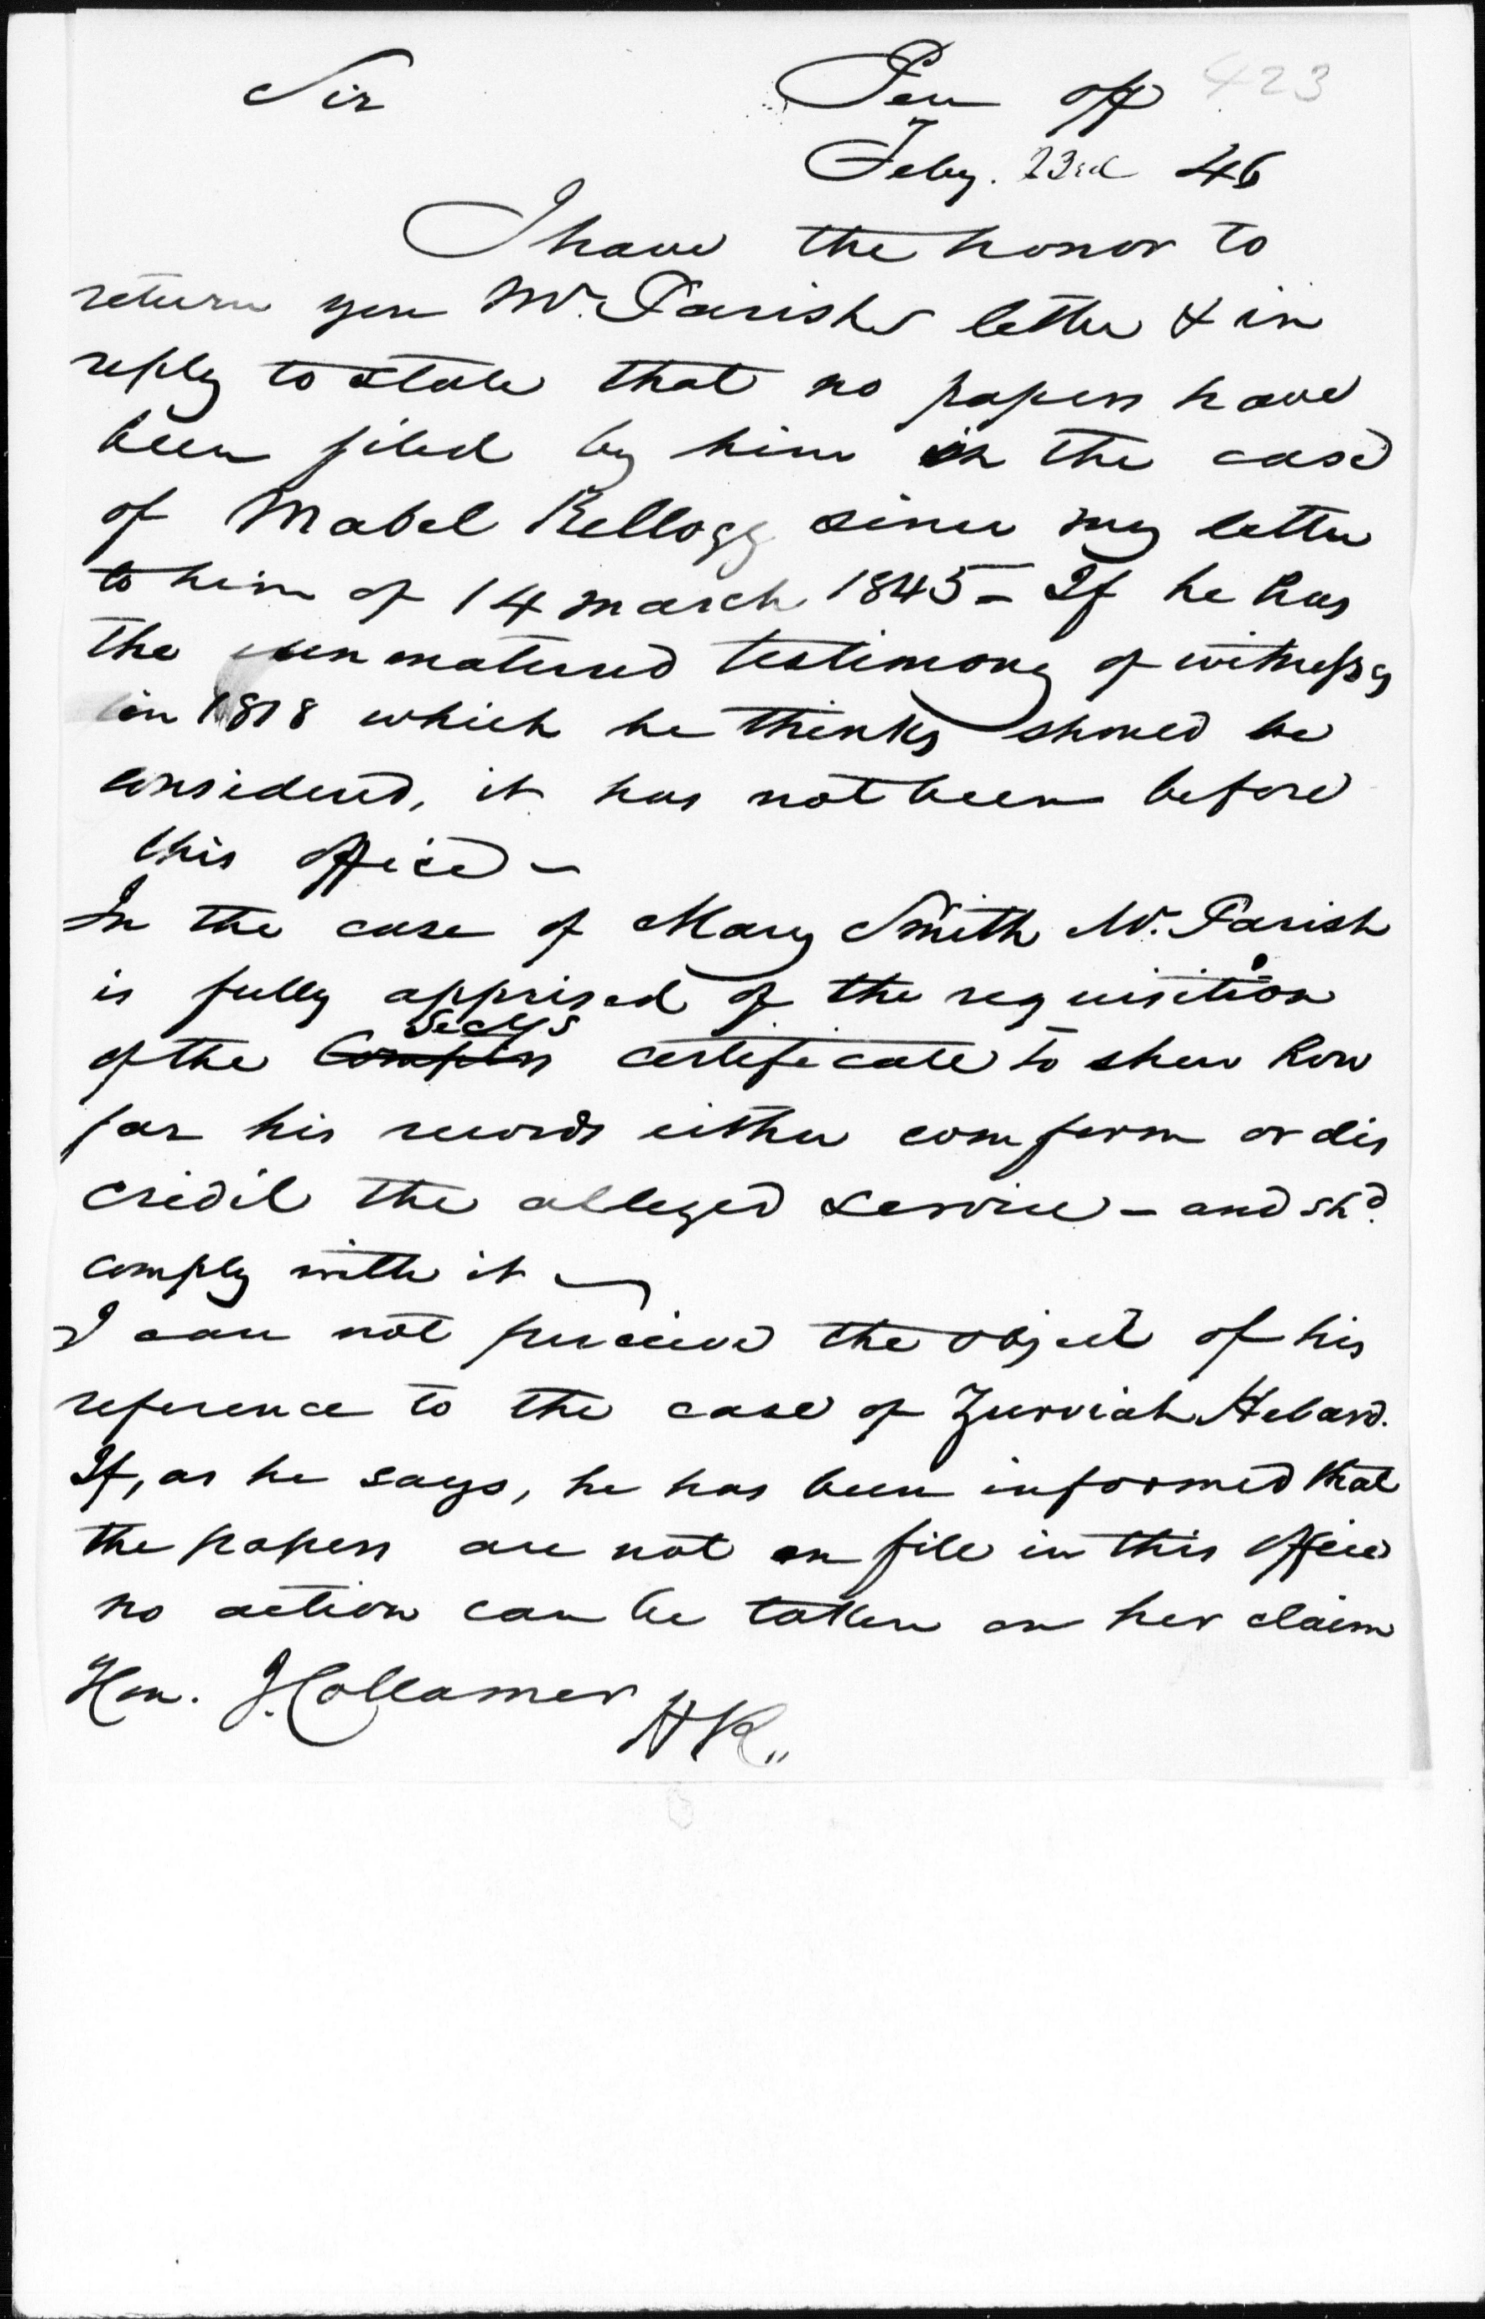Gen Off
Feby. 23rd 46
Sir
  I have the honor to return you Mr. Parishes letter & in reply to state that no papers have been filed by him in the case of Mabel Kellogg since my letter to him of 14 March 1845.  If he has the (?) testimony of witnesses in 1818 which he thinks should be considered, it has not been before this office.
  In the case of Mary Smith Mr. Parish is fullly apprised of the requisition of the Secys certificate to show how far his records either confirm of discredit the alleged service - and shd. comply with it.
  I can not perceive the object of his reference to the case of Zurvich Hebard.  If, as he says, he has been informed that the papers are not on file in this office no action can be taken on her claim
Hon. J. Collamer
HR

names: Parish, Mary Smith, Parish, Mabel Kellogg, J Collamer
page: 15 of 19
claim: rejected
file: R. 5836, Elijah Andrews, Conn.